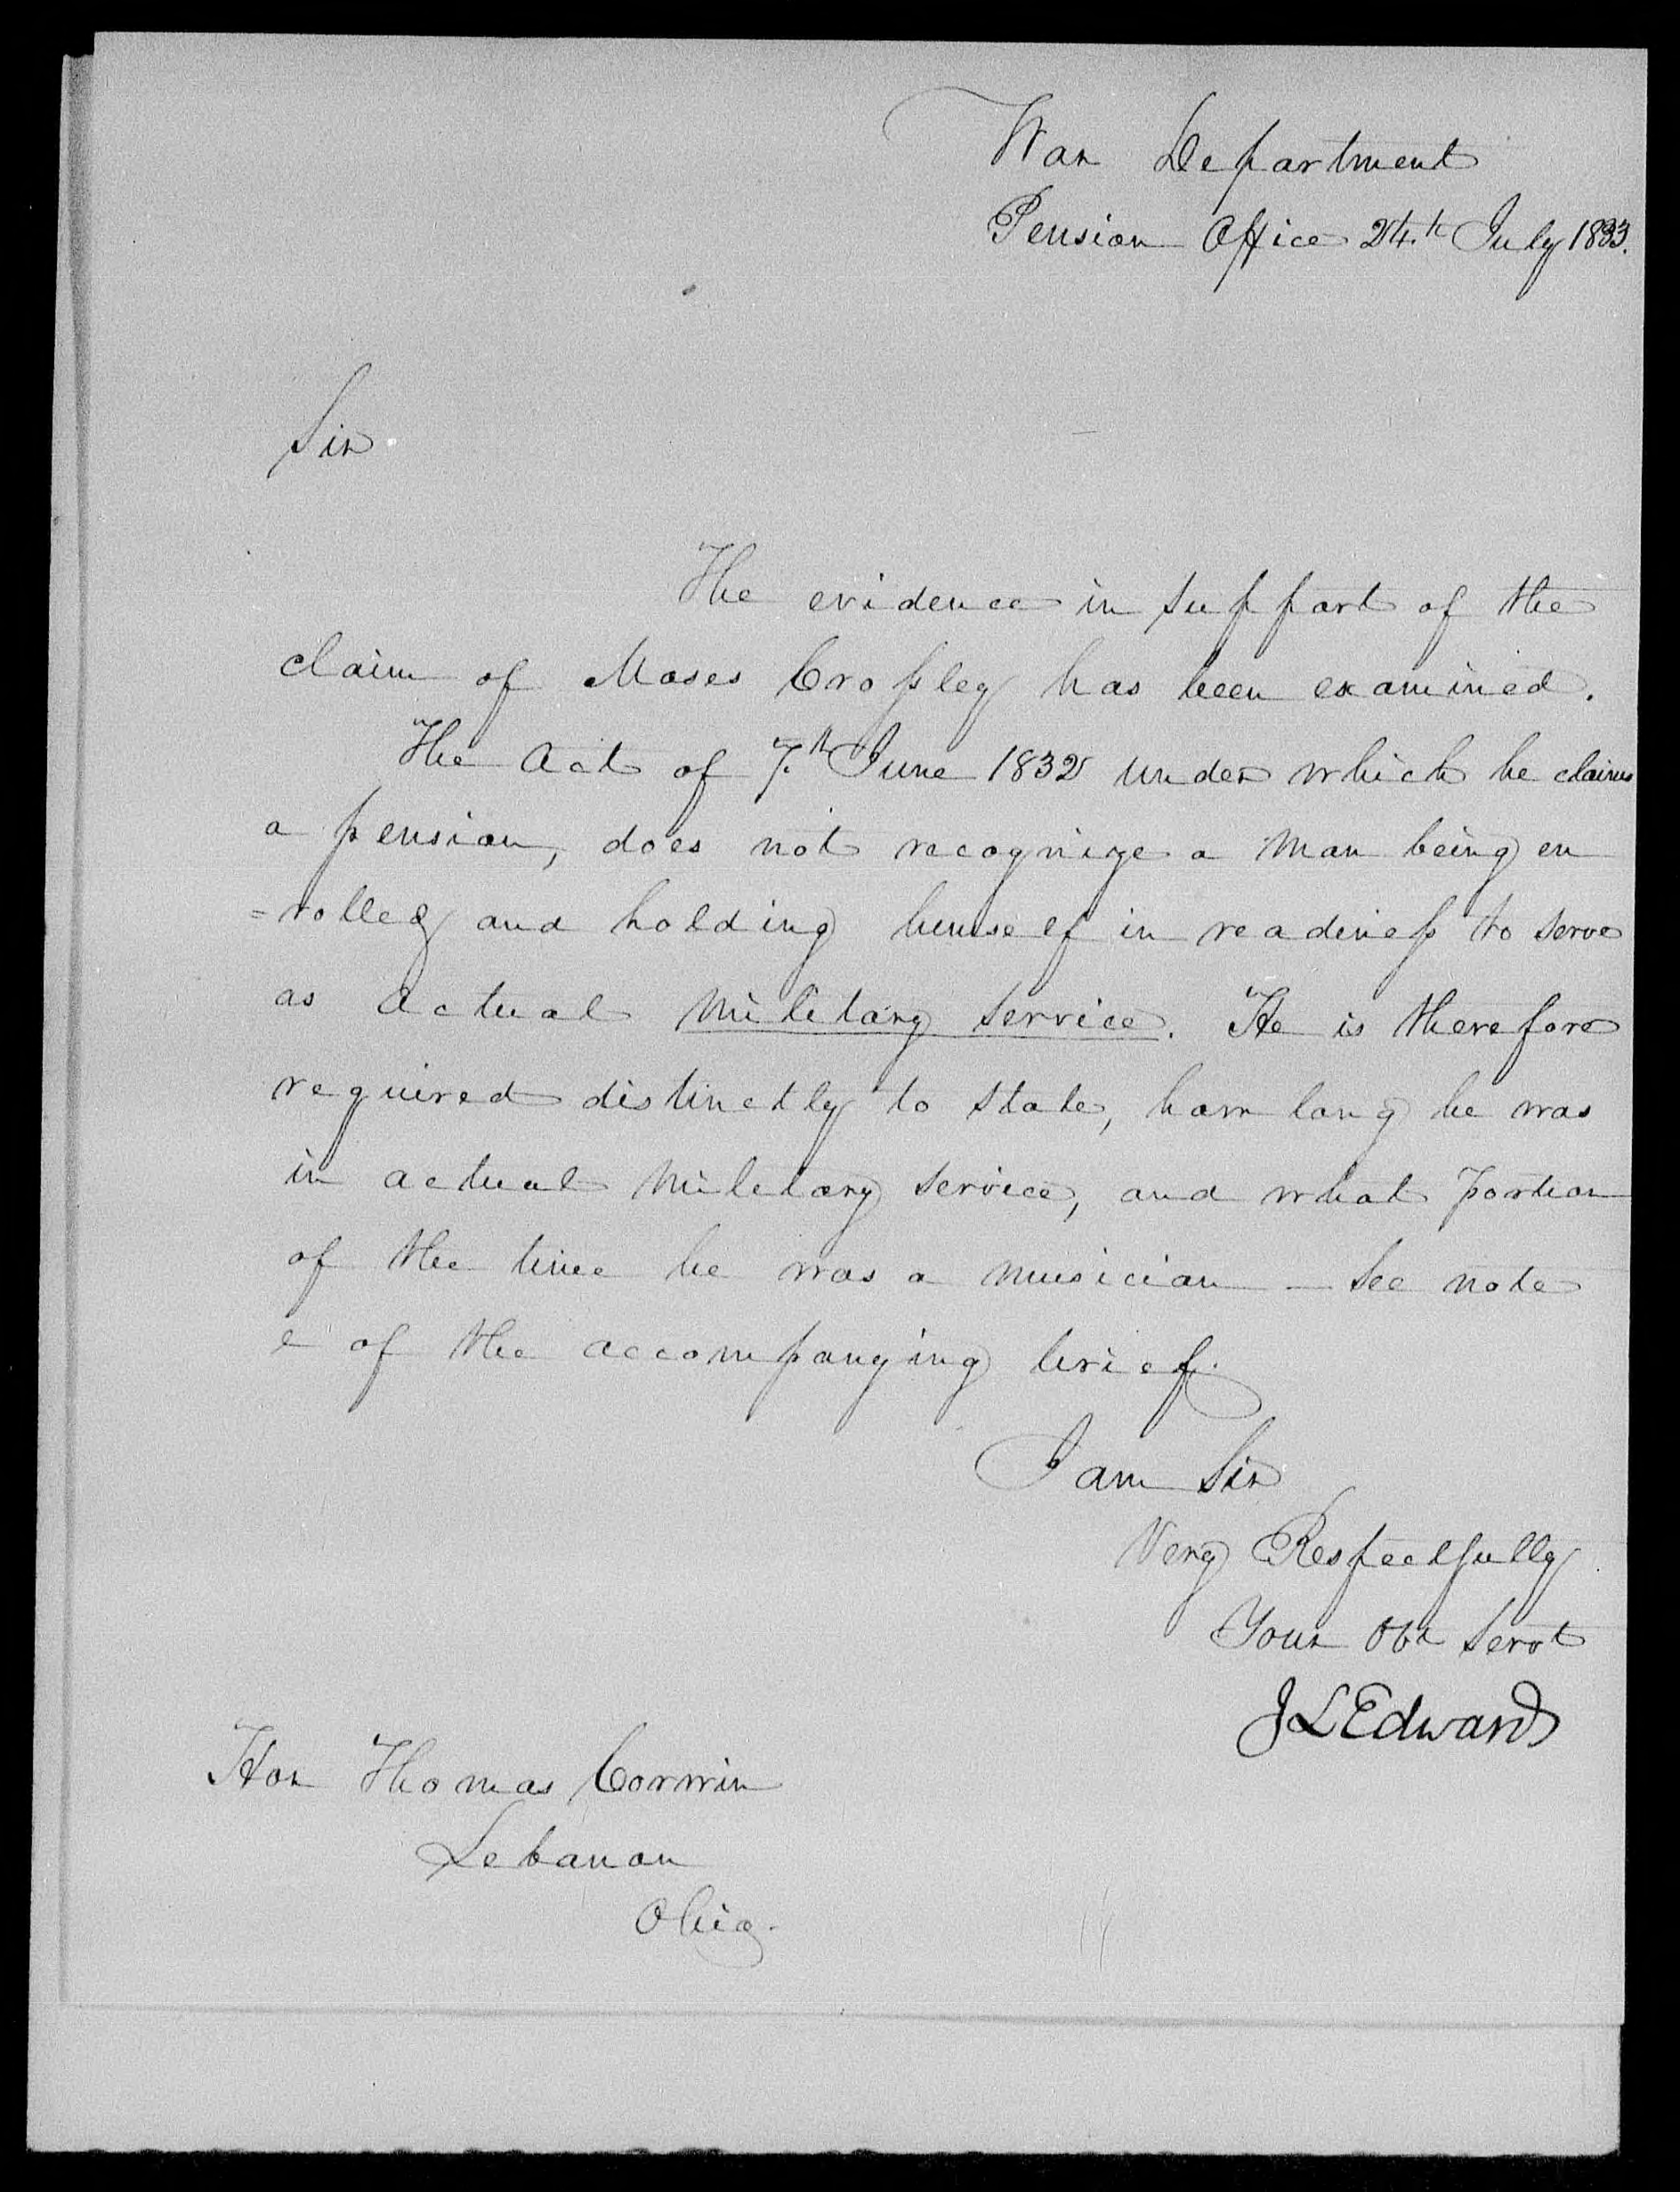War Department
Pension Office 24th July 1833.

Sir
The evidence in support of the claim of Moses Crossley has been examined.
The Act of 7th June 1832 under which he claims a pension, does not recognize a man being enrolled and holding himself in readiness to serve as actual Military Service. He is therefore required distinctly to state, how long he was in actual military service, and what portion of the time he was a musician. See note of the accompanying brief.

I am Sir
Very Respectfully
Your Obt Servt
[signature] J L Edwards

Hon Thomas Corwin
Lebanon
Ohio.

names: Moses Crossley, J L Edwards, Thomas Corwin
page: 31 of 37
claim: rejected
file: R. 2516, Moses Crosley, Md.